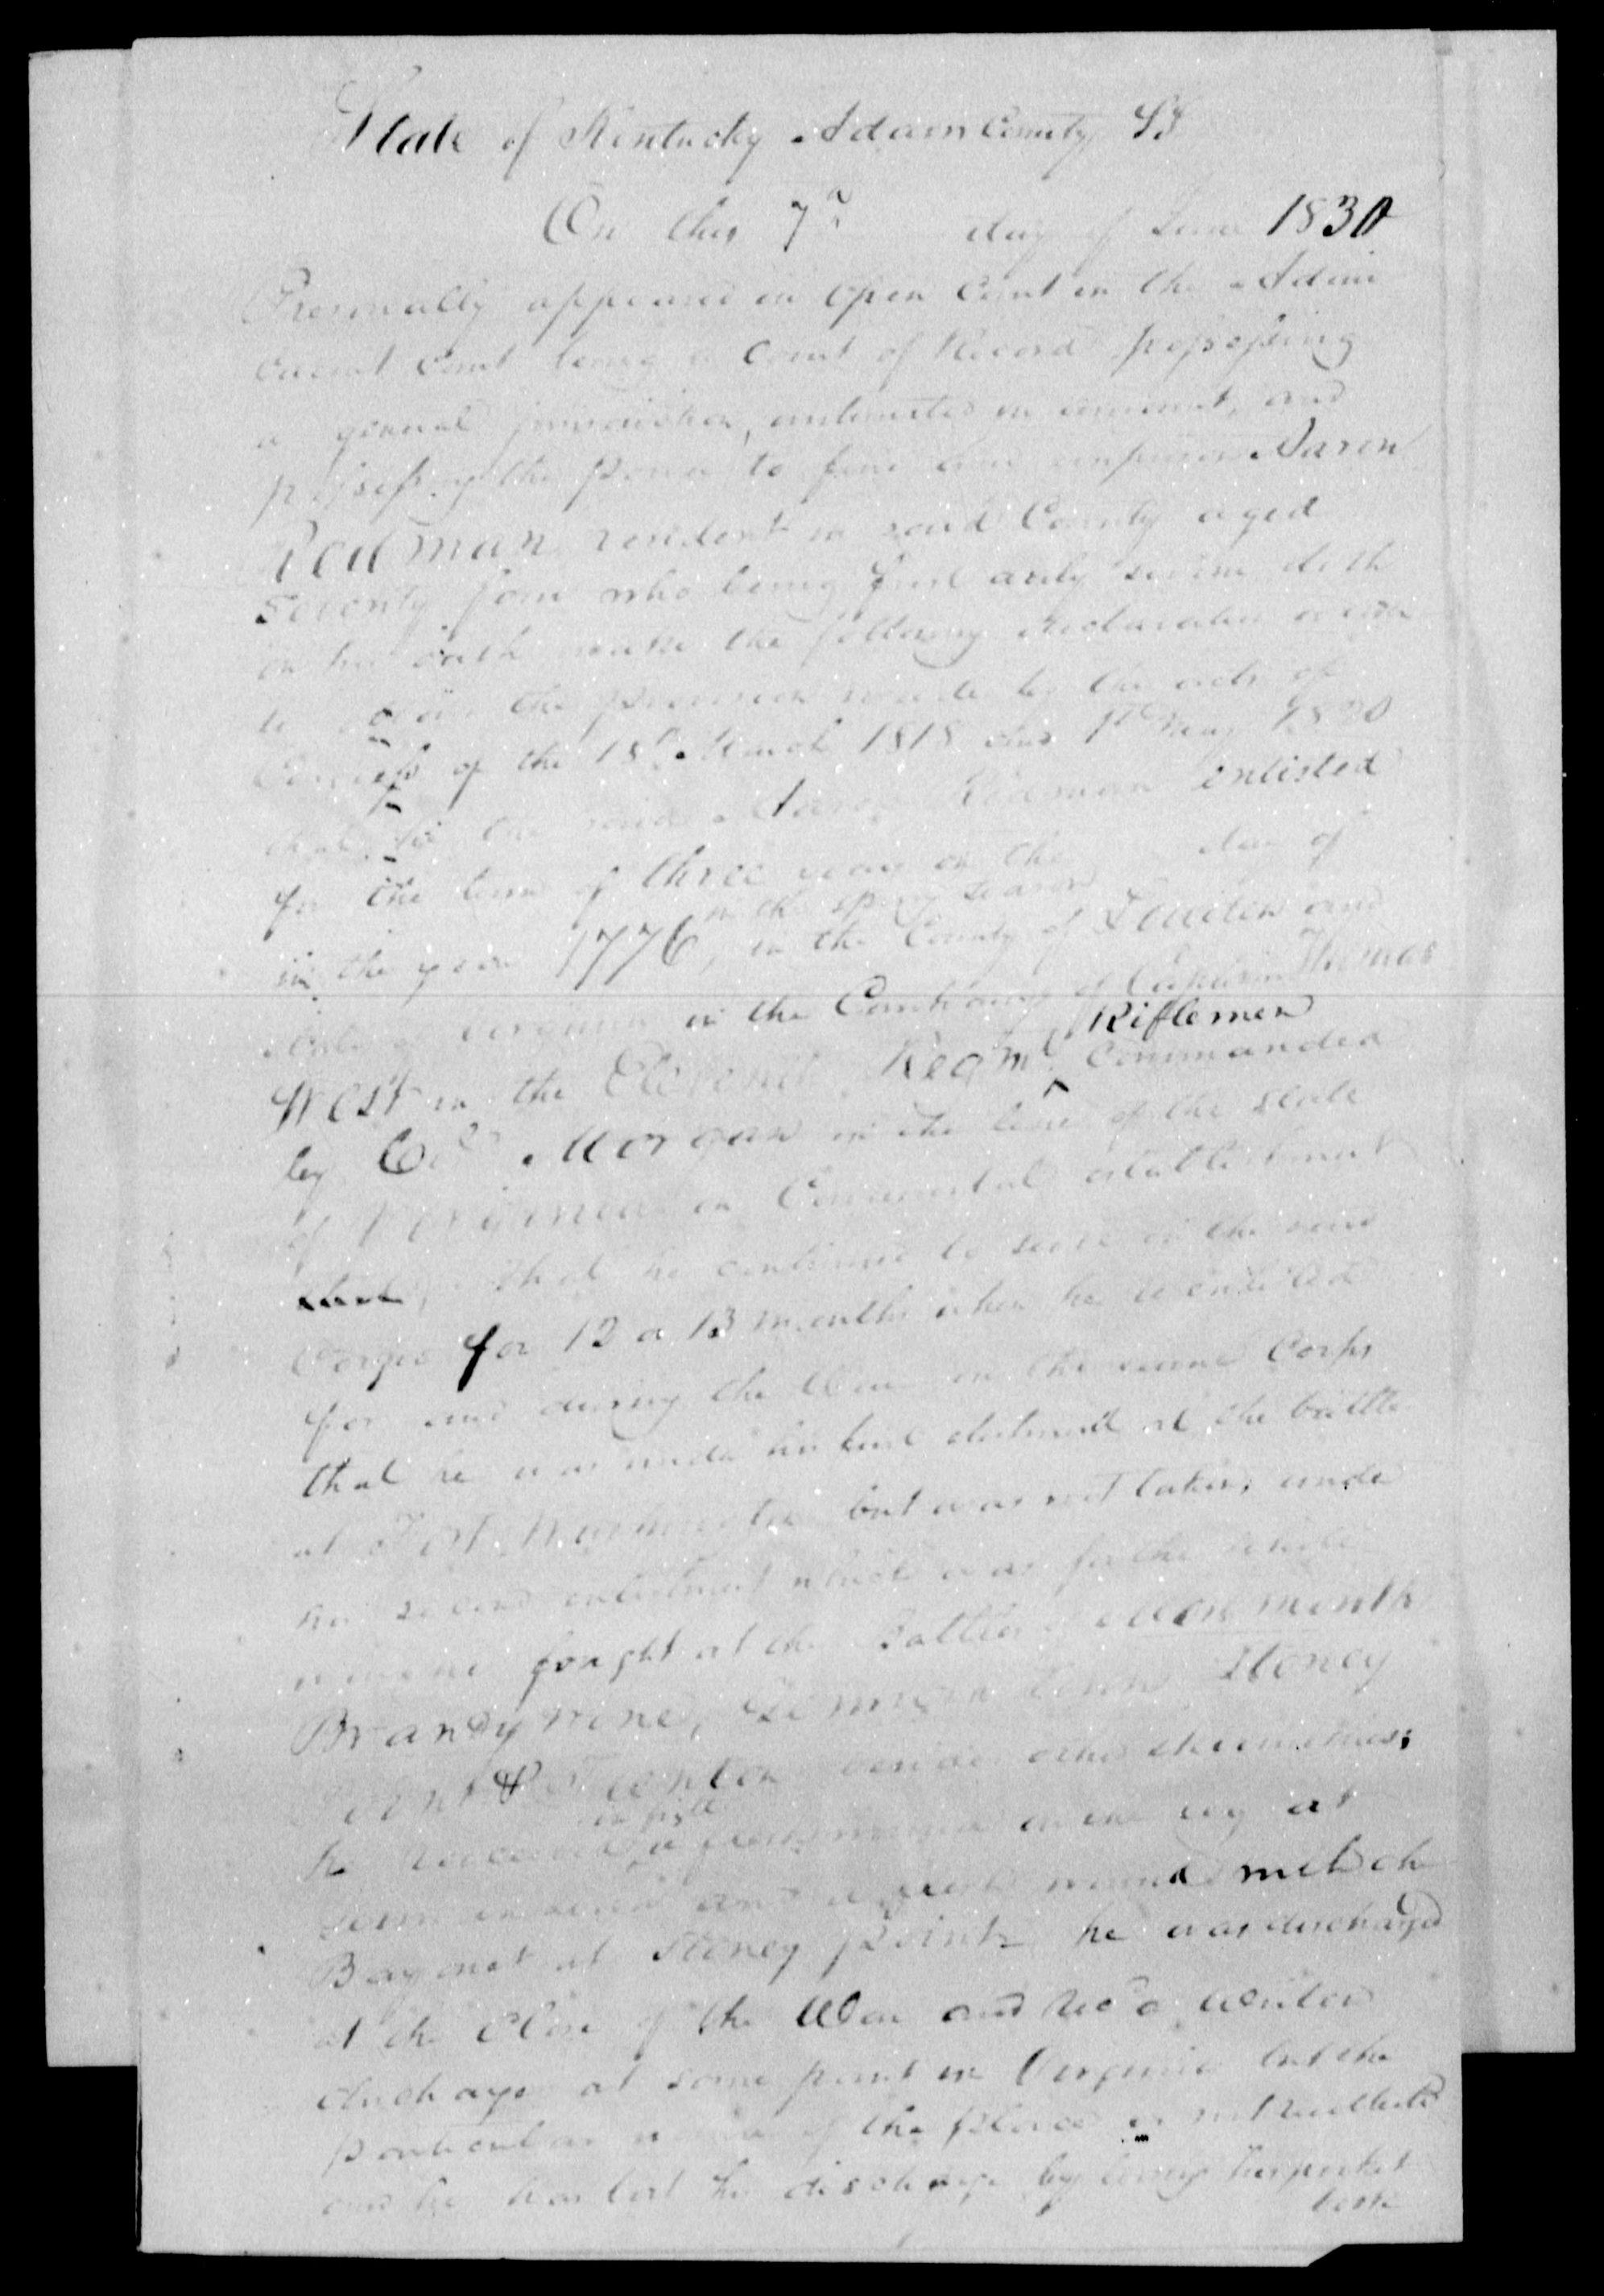State of Kentucky Adair County SS
On this 7th day of June 1830 Personally appeared in Open Court in the Adair Circuit Court being a Court of Record possessing a general jurisdiction, unlimited in amount, and possessing the power to fine and imprison Aaron Redman resident in said County aged seventy four who being first duly sworn doth on his oath make the following declaration in order to obtain the provision made by the acts of Congress of the 18th March 1818 and 1st May 1820 that he the said Aaron Redman enlisted for the tour of three years on the - day of - in the year 1776, in the spring season in the County of Loudon and State of Virginia in the Company of Captain Thomas West in the Eleventh Regmt. Riflemen Commanded by Col. Morgan in the line of the state of Virginia on Continental establishment, that he continued to serve in the said Corps for 12 or 13 months when he re enlisted for and during the War, in the same Corps that he was under his first enlistment at the battle at Fort Washington but was not taken, under his second enlistment which was for the [illegible] fought at the Battle of Monmouth Brandywine, German Town Stoney Point & Trenton and other skirmishes; he received in fight a [illegible] at Germantown and a [illegible] met the Bayonet at Stoney Point, he was discharged at the Close of the War and rec'd a written discharge at some point in Virginia but the particular or name of the place is not Recollected and he has lost his discharge by being [illegible]
book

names: [BLANK] Morgan; Aaron Redman; Aaron Redman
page: 4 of 57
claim: widow's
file: W. 9,622, for Aaron Redman, Virginia